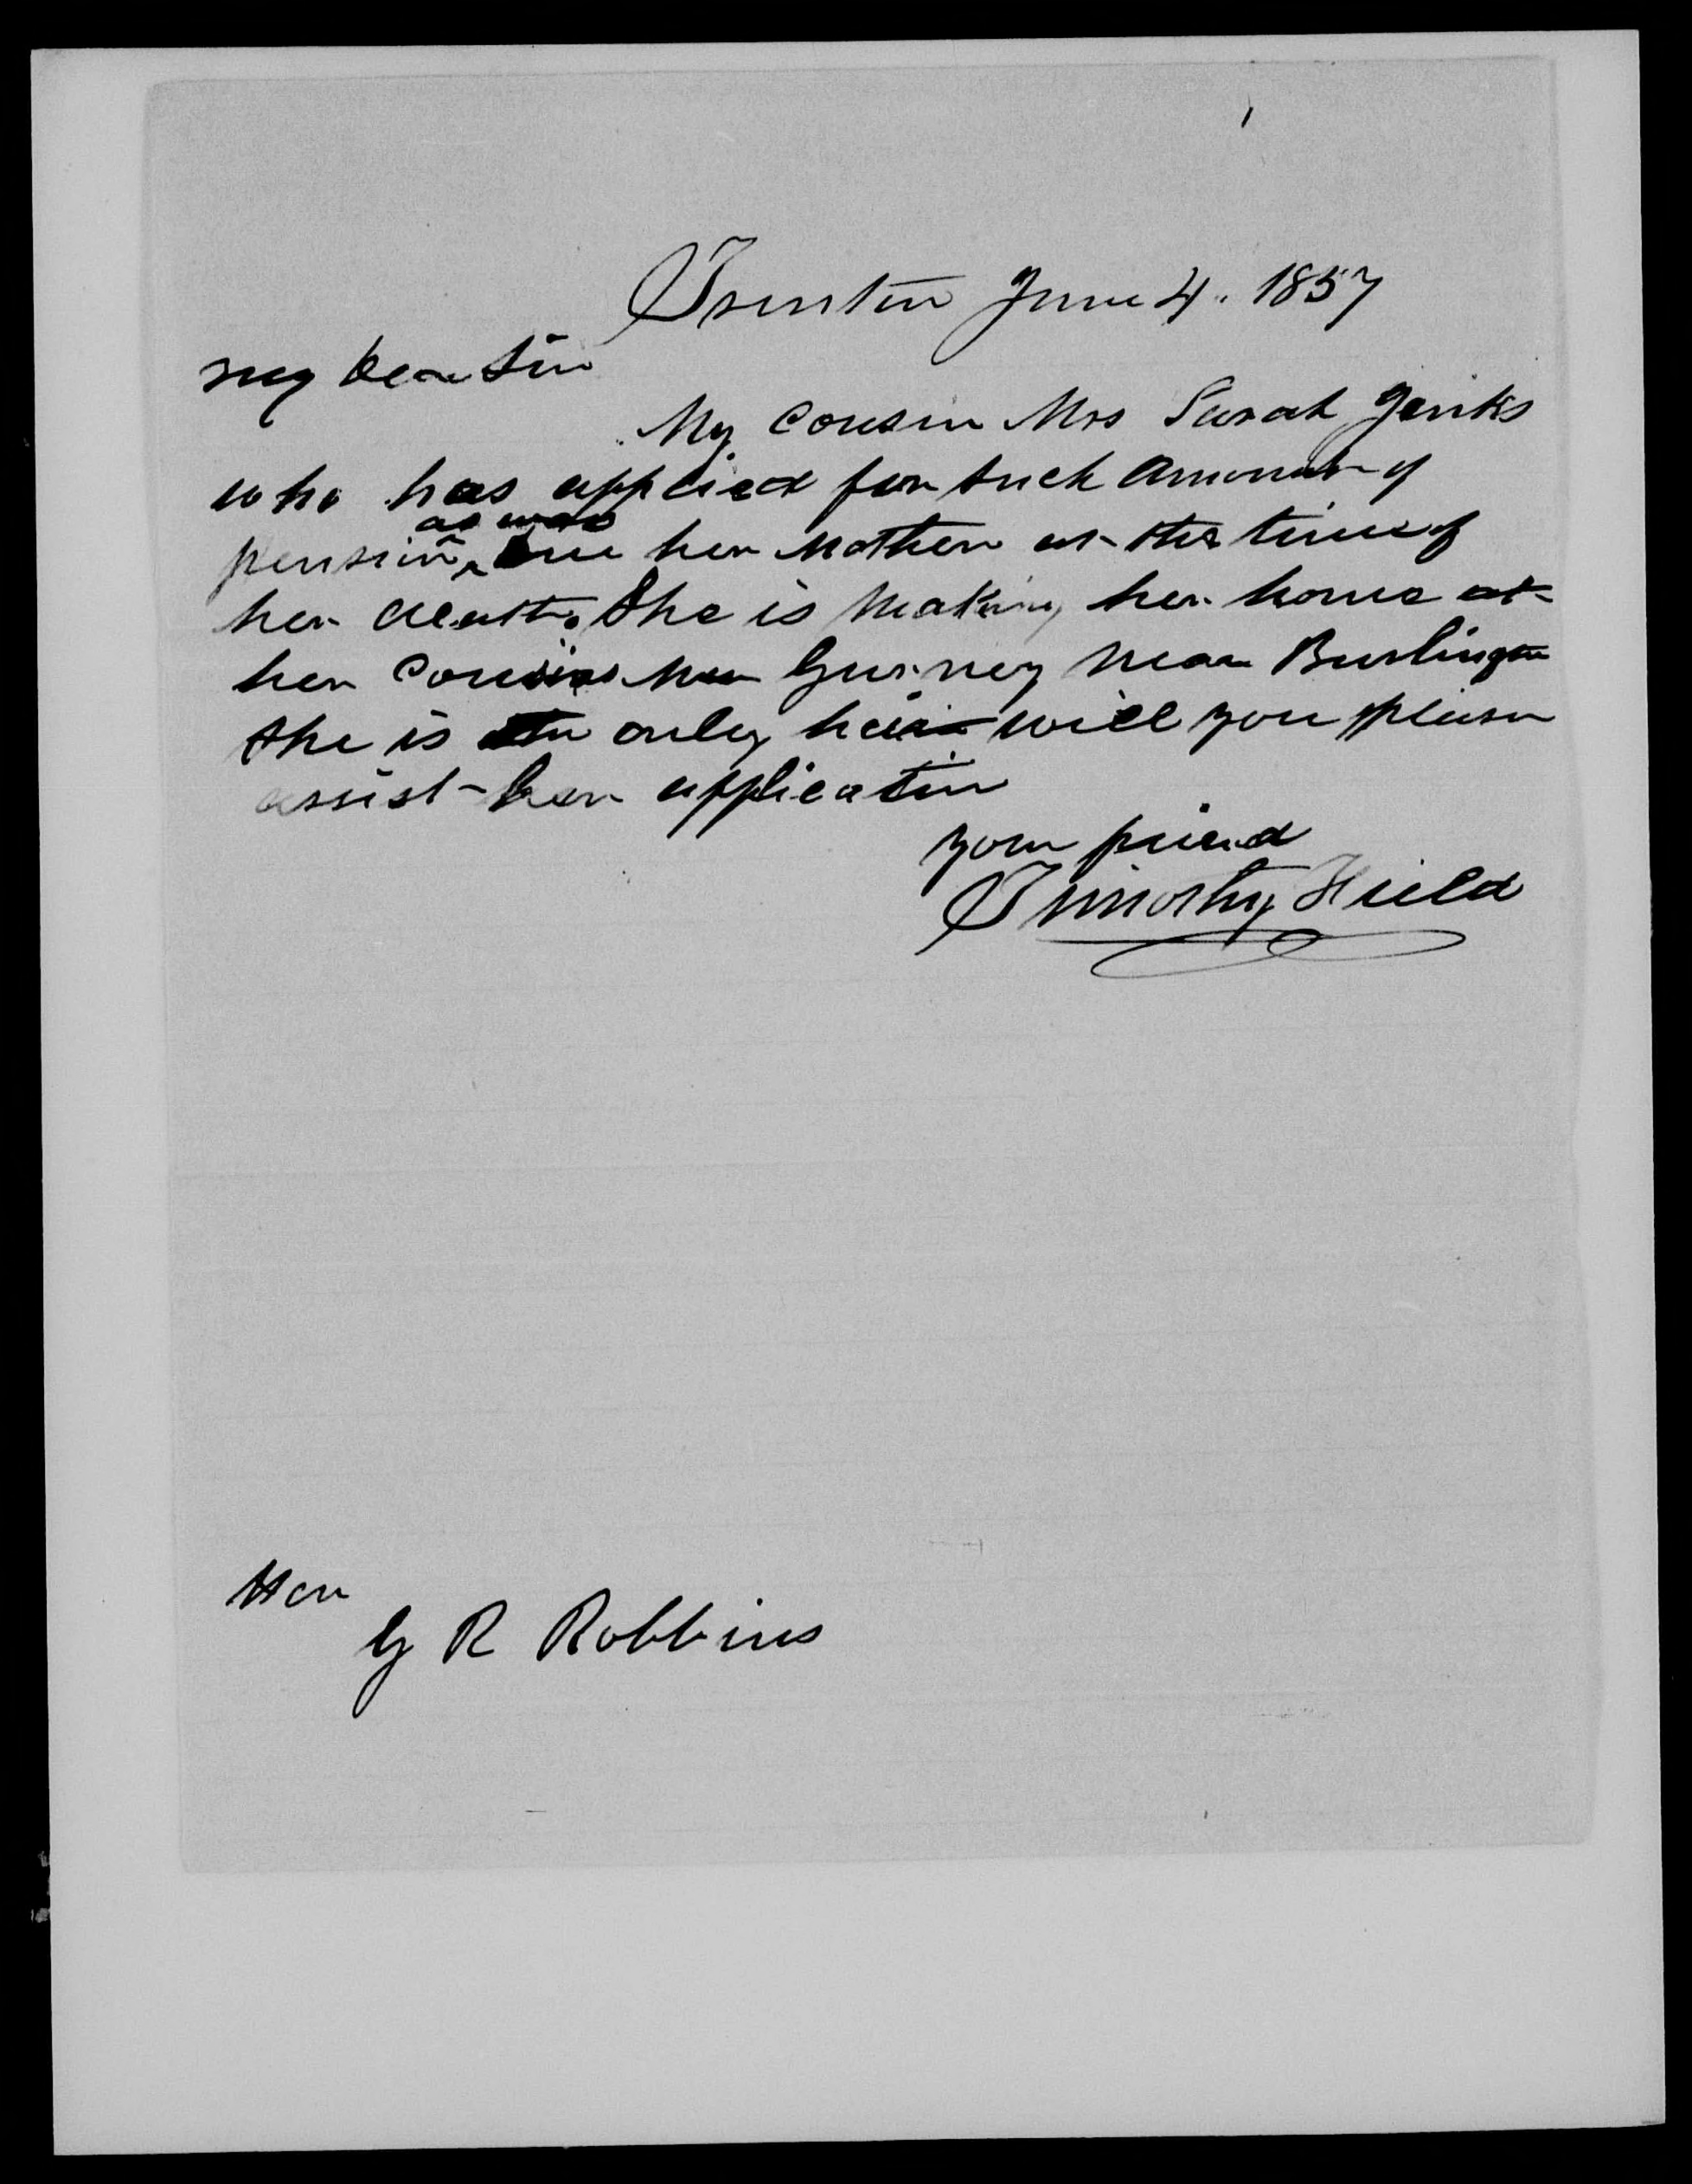Trenton June 4, 1857

My Dear Sir
My cousin Mrs Sarah Jinks who has applied for such amount of pension as her mother at this time of her death. She is making her house at her cousins in New Jersey near Burlington. She is the only heir will you please assist her application
Your friend
Timothy Field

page: 2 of 25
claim: rejected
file: R. 10513, for Edward Thomas, New Jersey